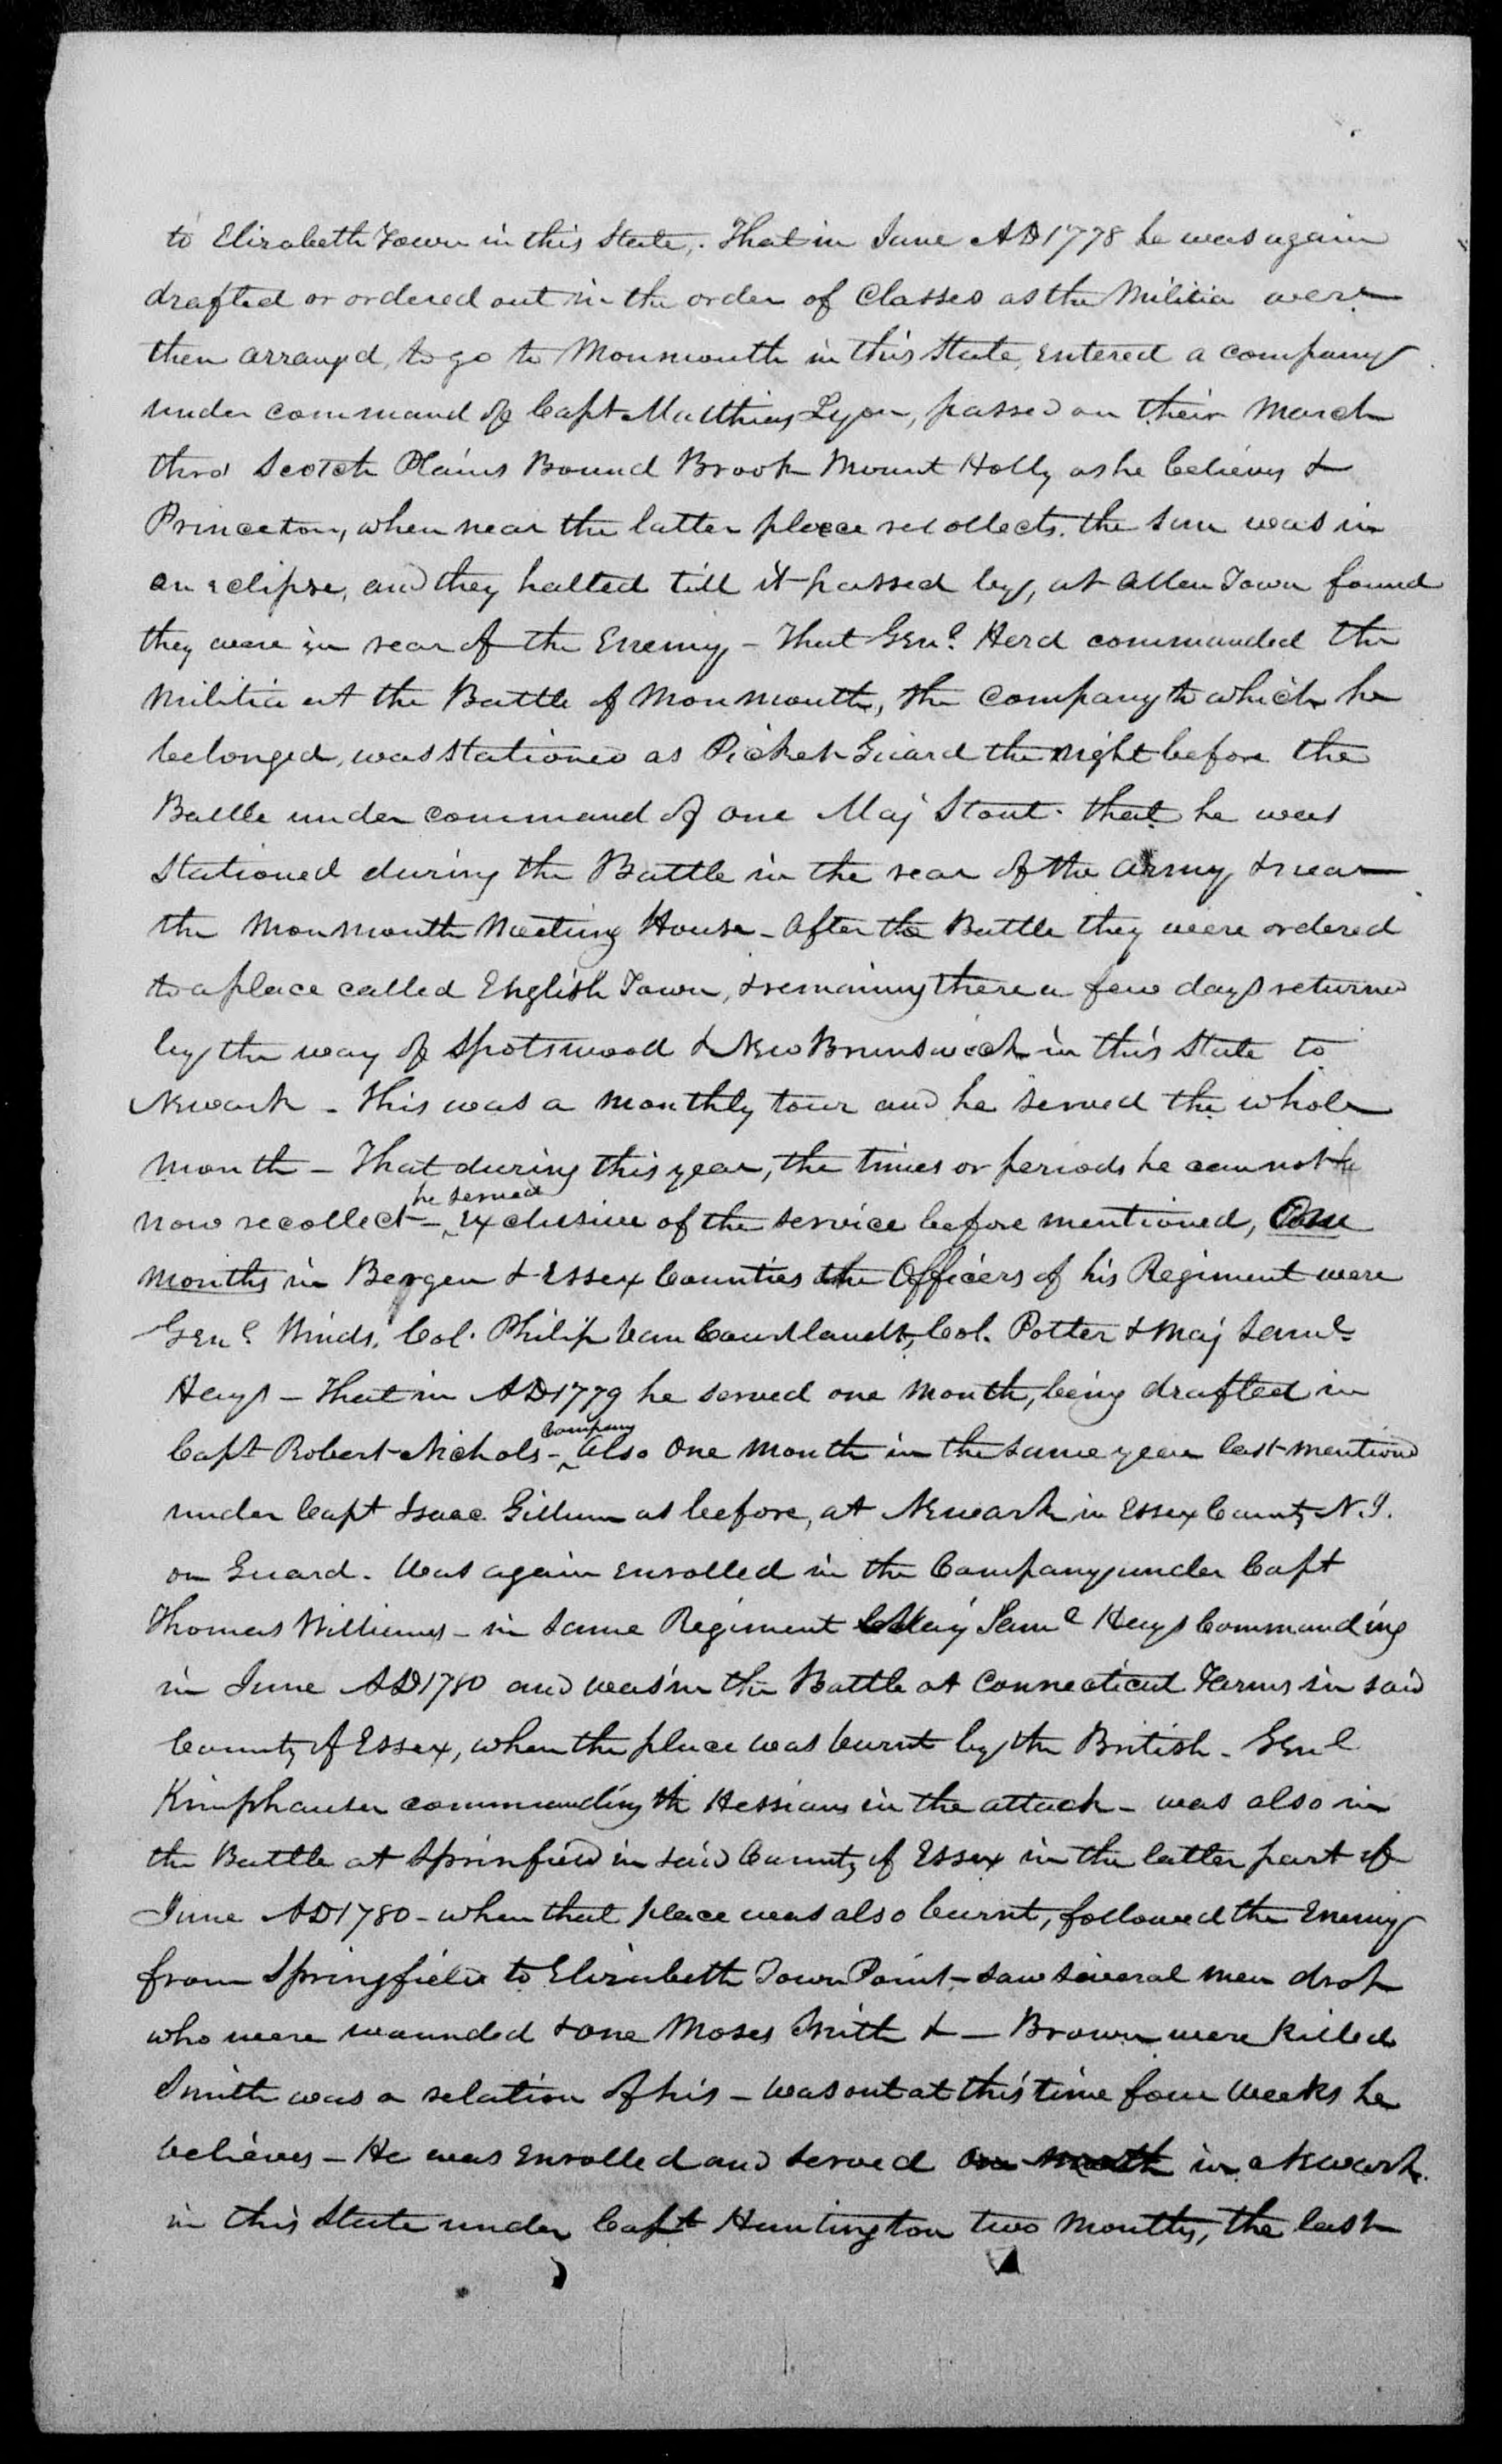to Elizabeth Town in this State: That in June AD 1778 he was again drafted or ordered out in the order of classes as the Militia were
then arranged, to go to Monmouth in this State, entered a company under command of Capt Matthias Lyon, passed on their March
the Scotch Plains Bound Brook Mount Holly as he believes & Princeton when near the latter place recollects the sun was in an eclipse, and they halted till it passed by, at Allen Town found they were in rear of the Enemy- That Genl Herd commanded the militia at the Battle of Monmouth, the company to which he
belonged, was stationed as Picket guard the night before the Battle under command of one Maj Stout that he was stationed during the Battle in the rear of the Army & near the Monmouth meeting House-- After the Battle they were ordered to a place called English Town, & remaining there a few days returned
by the way of Spotswood & New Brunswick in this State to Newark. This was a monthly tour and he served the whole month. That during this year, the times or periods he cannot
now recollect he served exclusive of the service before mentioned, One months in Bergen & Essex Counties the Officers of his Regiment were Genl Winds, Col. Philip Van Courtlandt, Col. Potter & Maj Saml Hays- That in AD 1779 he served one month, being drafted in Capt Robert Nichols company. Also one month in the same year last mentioned under Capt Isaac Gillum as before, at Newark in Essex County N. J. on Guard. Was again enrolled in the Company under Capt Thomas Williams in same Regiment Maj Sam Hays Commanding
in June AD 1780 and was in the Battle at Connecticut Farms in said County of Essex, when the place was burnt by the British Genl
Kniphausen commanding the Hessians in the attack. Was also in the Battle at Springfield in said County of Essex in the latter part of
June AD 1780, when that place was also burnt, followed the enemy from Springfield to Elizabeth Town Point.  Saw several men drop
who were wounded & one Moses Smith & Brown were killed  Smith was a relation of his-- was out at this time four weeks he
believes - He was enrolled and served one month in Newark in this State under Capt Huntington two months, the last from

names: Isaac Gillum, Stout, Smith, Saml Hays, Winds, Brown, Moses Smith, Potter, Herd, Kimphauser, Philip Van Courtlandt, Huntington, Matthias Lyon, Saml Hays, Thomas Williams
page: 4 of 23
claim: survivor's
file: S. 3212, Moses Condit, New Jersey